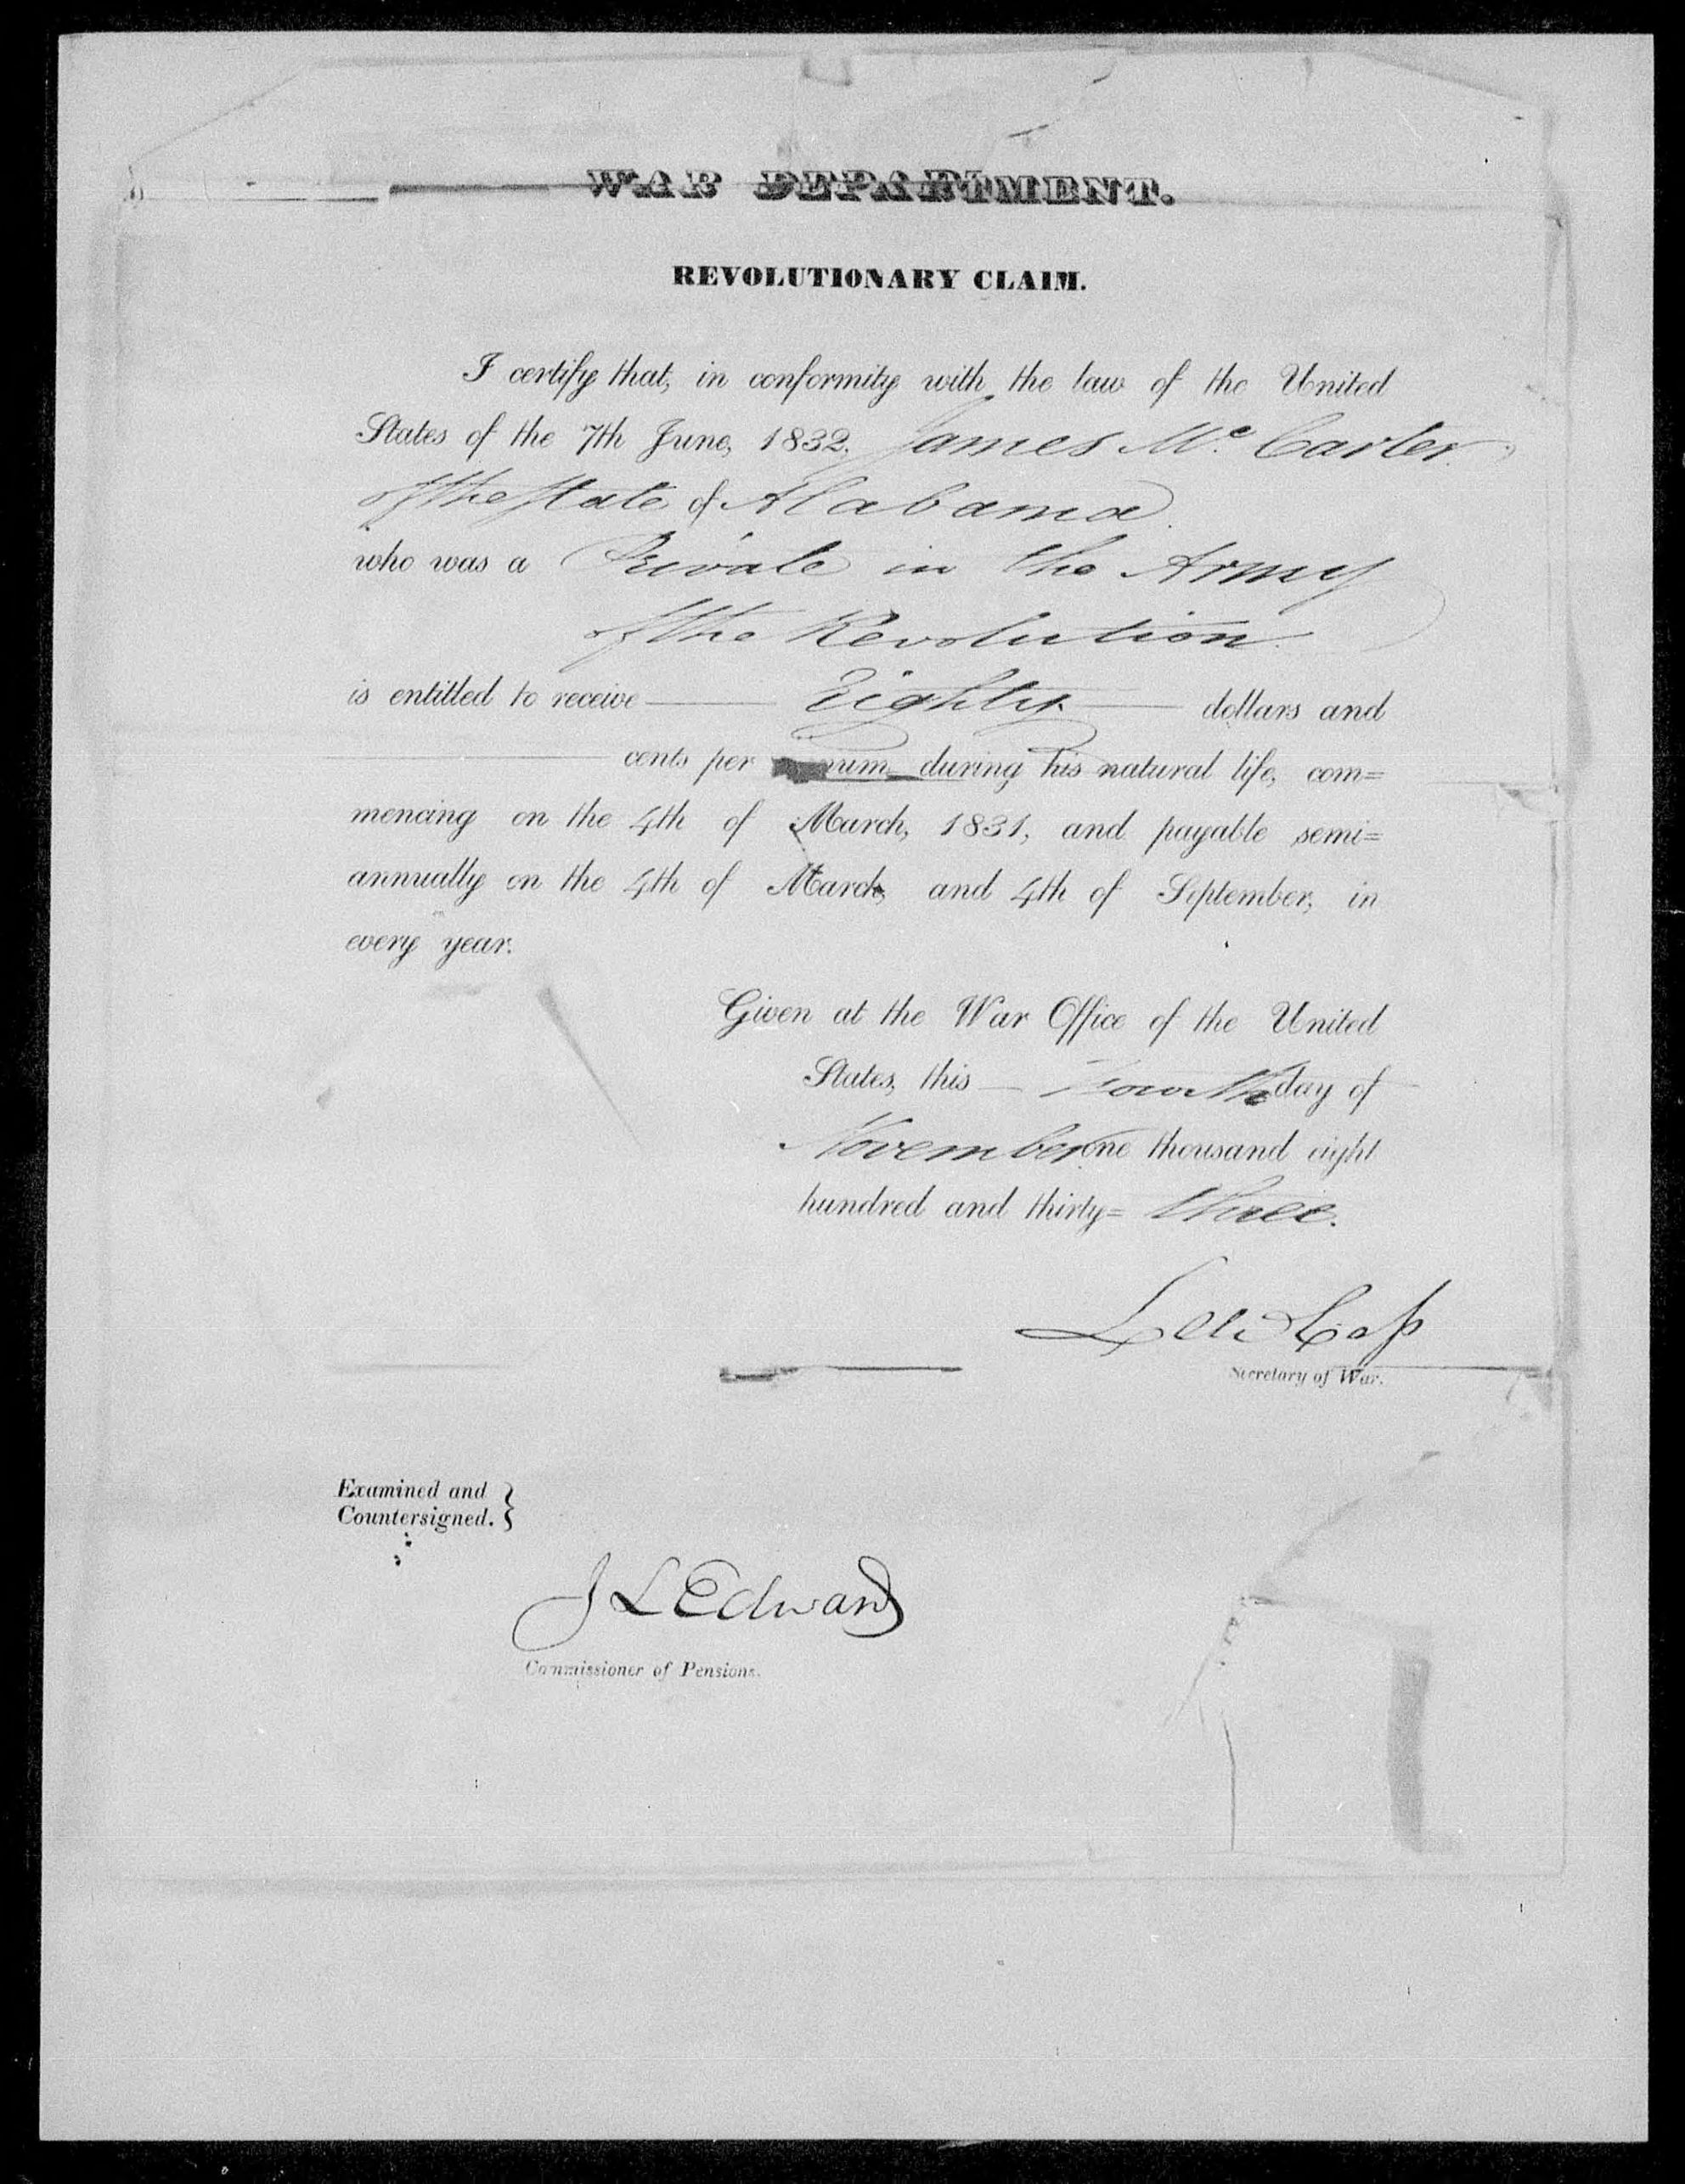[Printed document with handwritten entries}

WAR DEPARTMENT.
REVOLUTIONARY CLAIM.
I certify that in conformity with the law of the United States of the 7th June, 1832, James McCarter of the State of Alabama who was a Private in the Army of the Revolution is entitled to receive Eighty dollars and [blank space] cents per annum during his natural life, commencing on the 4th of March, 1831, and payable  semiannually on the 4th of March and 4th of September, in every year.

Given at the War Office of the United States, this Fourth day of November one thousand eight hundred and thirty three.

Lewis Cass
Secretary of War.

Examined and Countersigned}
J L Edward
Commissioner of Pensions.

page: 34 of 45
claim: survivor's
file: S. 13,890, for James Mc Carter, South Carolina